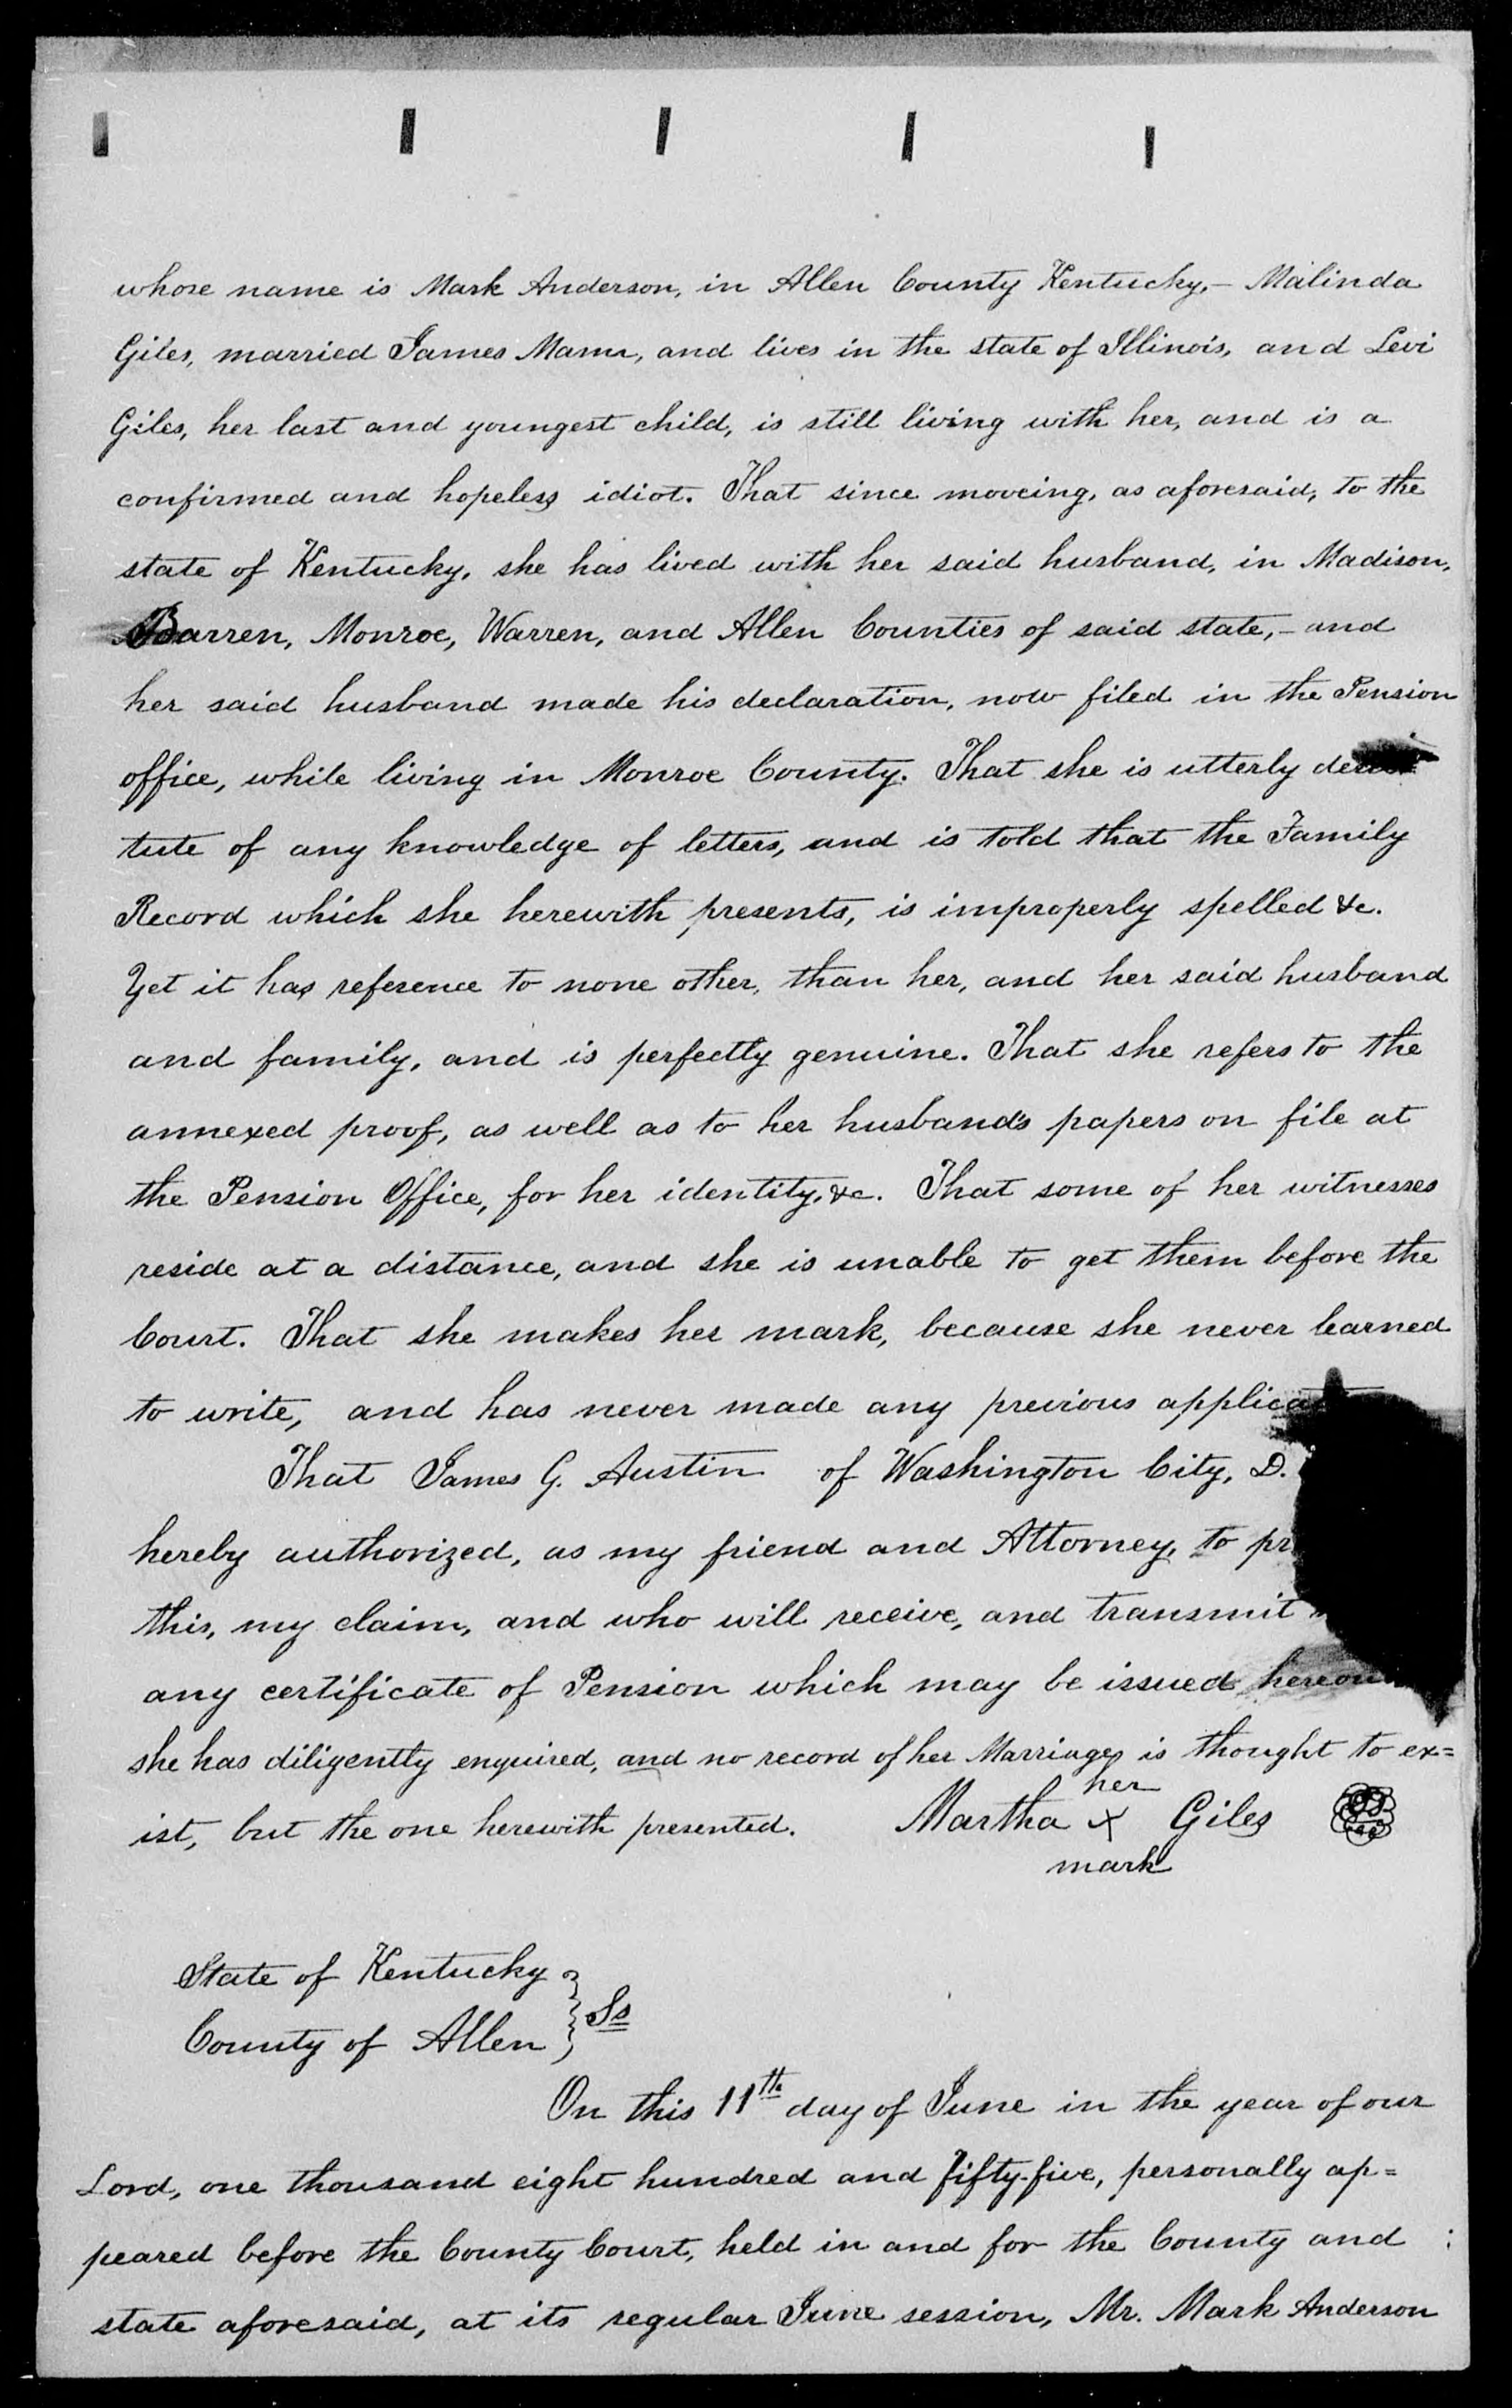whose name is Mark Andrson, in Allen County Kentucky, -Malinda Giles, married James Mann, and lives in the State of Illinois, and 
Levi Giles, her last and youngest child, is still living with her, and is a confirmed and hopeless idiot. That since moving, as aforesaid, to the state of Kentucky, she has lived with her said husband, in Madison, Darren, Monroe, Warren, and Allen Countis of said state, and her said husband mad his declaration now filed in the Pension Office, while living in Monroe County. That she is utterly destitute of any knowledge of letters, and is told that the Family Record which she herewith presents, is improperly spelled &c. Yet it has reference to none other than here and her said husband and family and is perfectly genuine. That she refers to the annexed proof, as well as to her husband's papers on file at the Pension Office, for her identity, &c. That some of her witnesses reside at a distance, and she is unable to get them before the Court. That she makes her mark, because she never learned to write, and has never made any previous applications.
That James G. Austin of Washington City, D.C. is hereby authorized, as my friend and Attorney, to prove this, my claim, and who will receive, and transmit [missing] any certificate enquired, and no record of her Marriage is thought to exist but the one herewith presented. 

Martha her X mark Giles

State of Kentucky } Ss
County of Allen }

On this 11th day of June in the year of our Lord, on thousand eight hundred and fifty-five, personally appeared before the County Court, held in and for the County and State aforesaid, at its regular June session, Mr. Mark Anderson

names: James Mann, Mark Anderson, Martha Giles, Malinda Giles, Levi Giles, James G Austin, Mark Anderson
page: 22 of 82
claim: widow's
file: W. 7,522, John Giles, N.C.